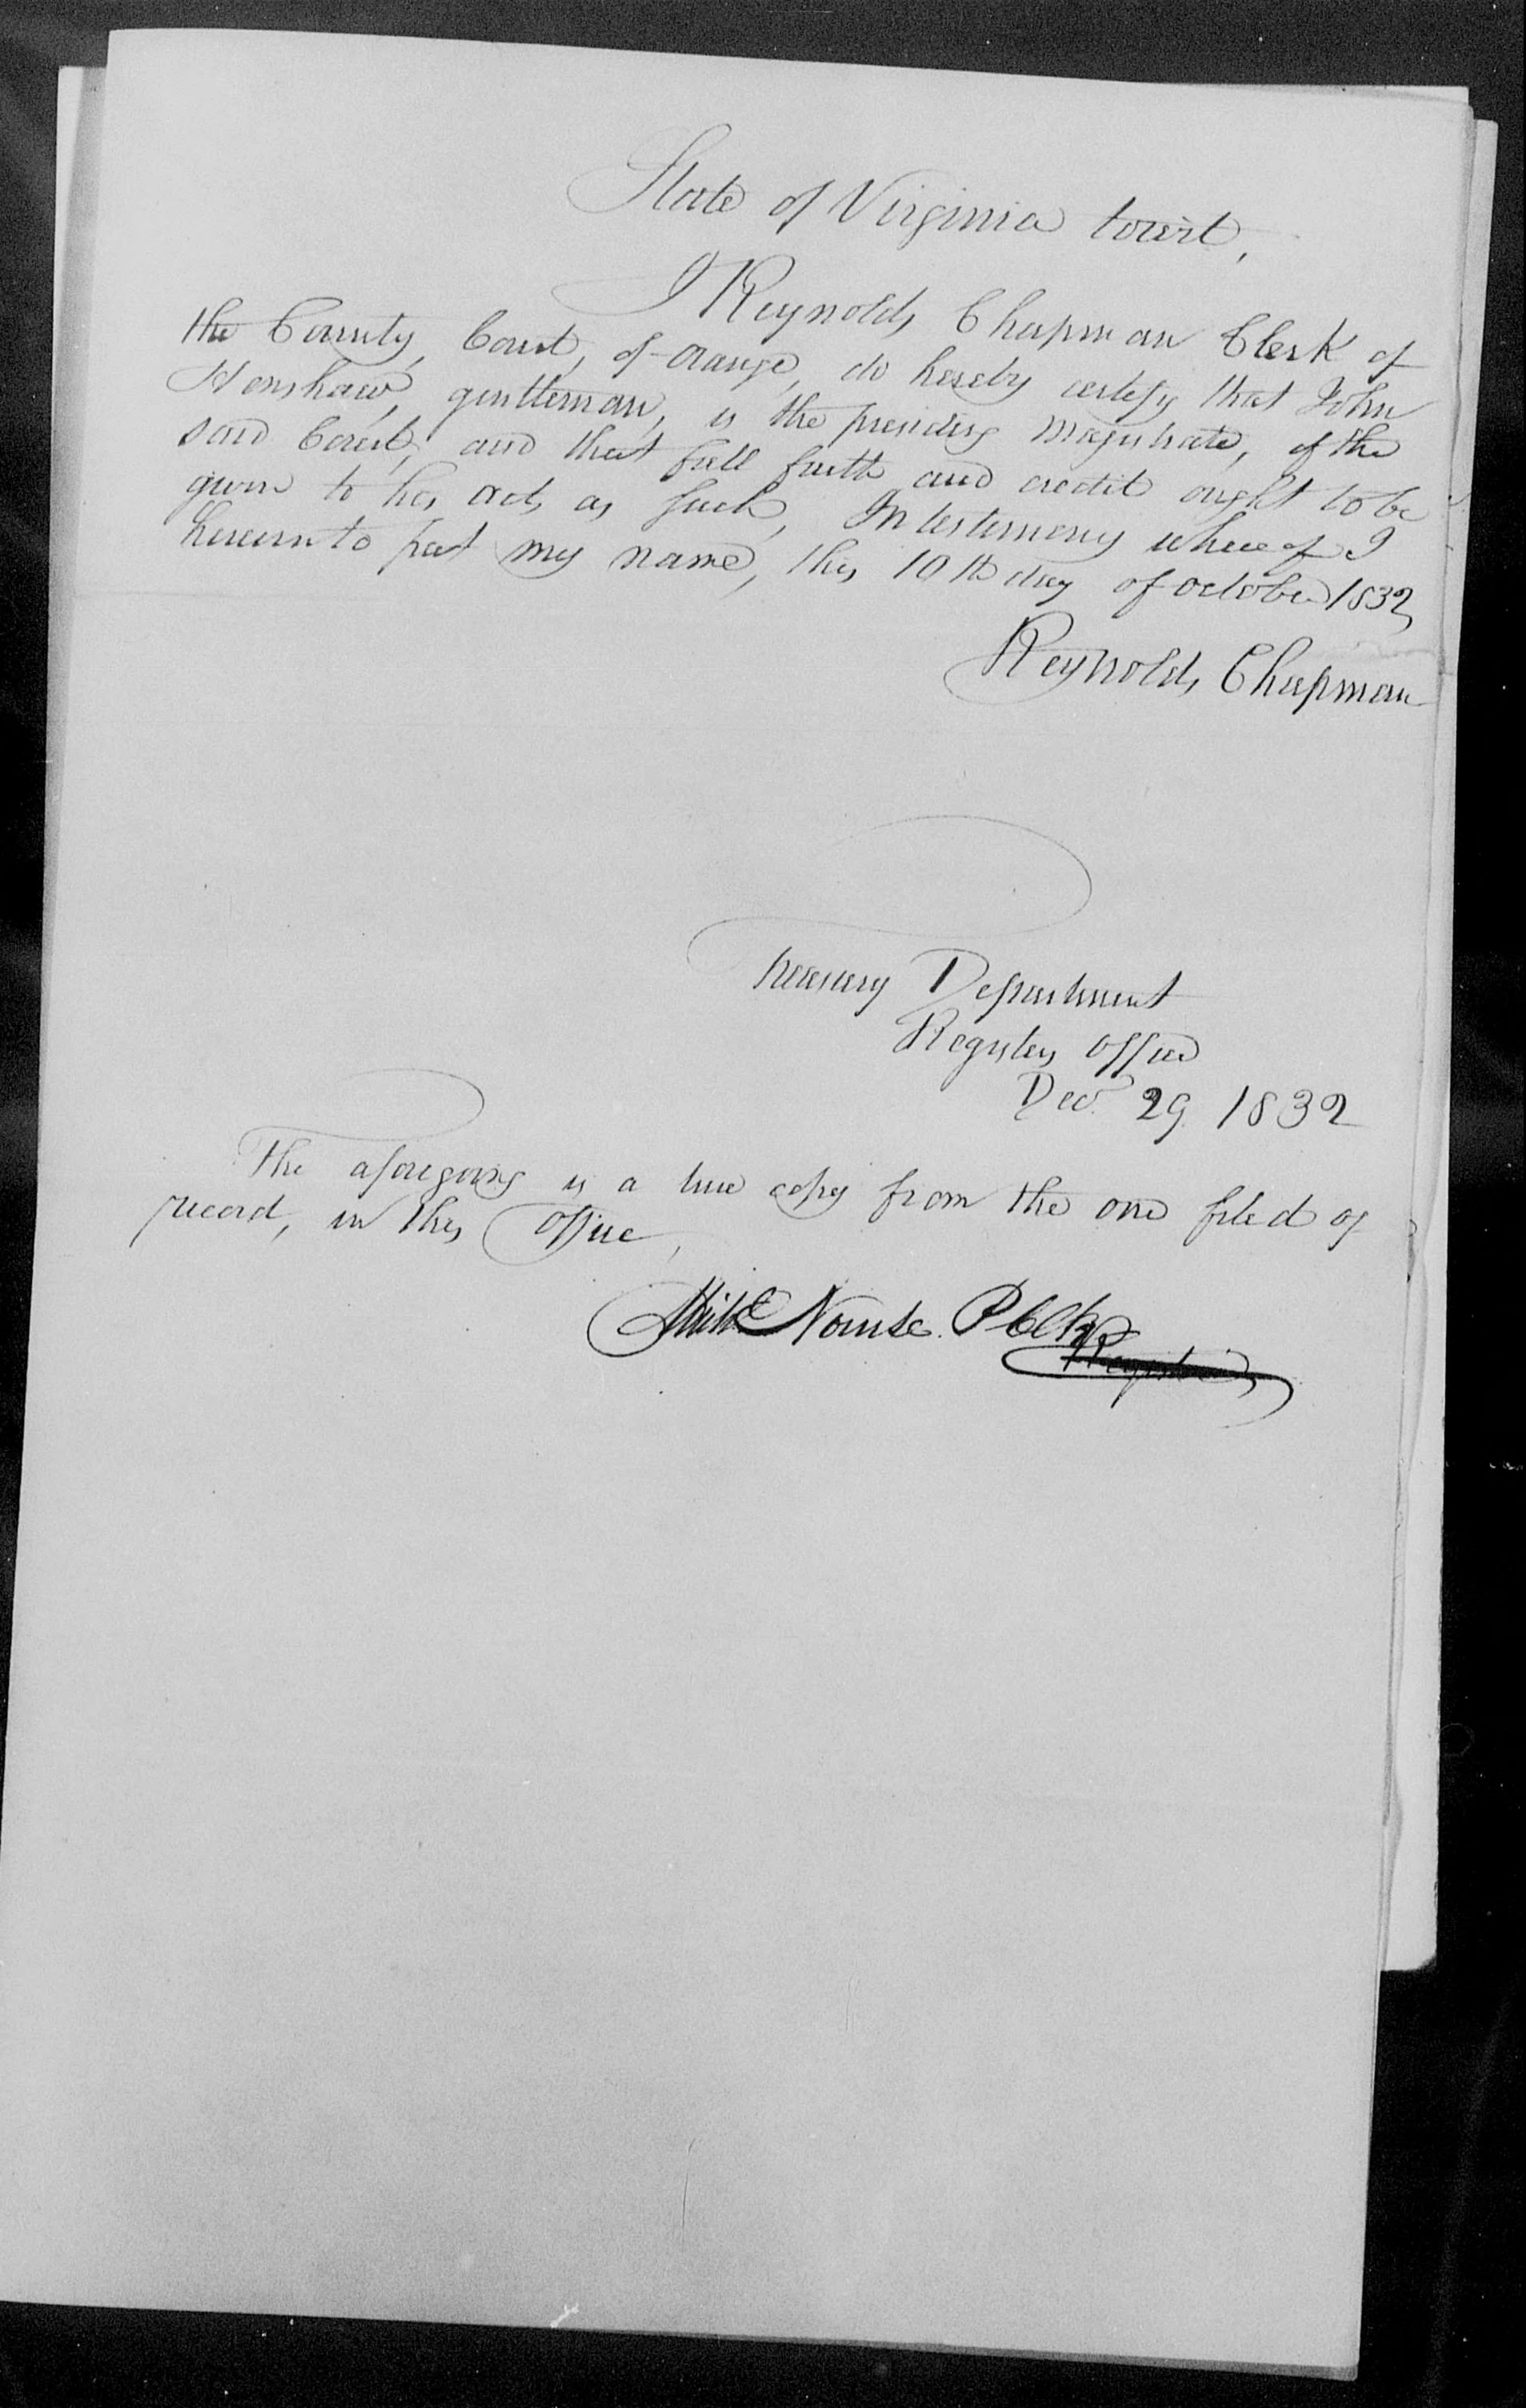State of Virginia towit,
I Reynolds Chapman Clerk of the County Court, of Orange, do hereby certify that John Henshaw, gentleman, is the presiding magistrate of the said Court, and that full faith and credit ought to be given to his acts as Such, In testimony whereof I hereunto put my name, the 10th day of October 1832,
Reynolds Chapman


Treasury Department
Registry Office
Dec. 29. 1832
The foregoing is a true copy from the one filed of record, in this office,
Michl Nourse. PCLK
Regist{illegible letters] [word is crossed out]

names: Reynolds Chapman, John Henshaw, Nourse, Reynolds Chapman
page: 15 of 267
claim: widow's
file: W. 4,149, William Campbell, Va.